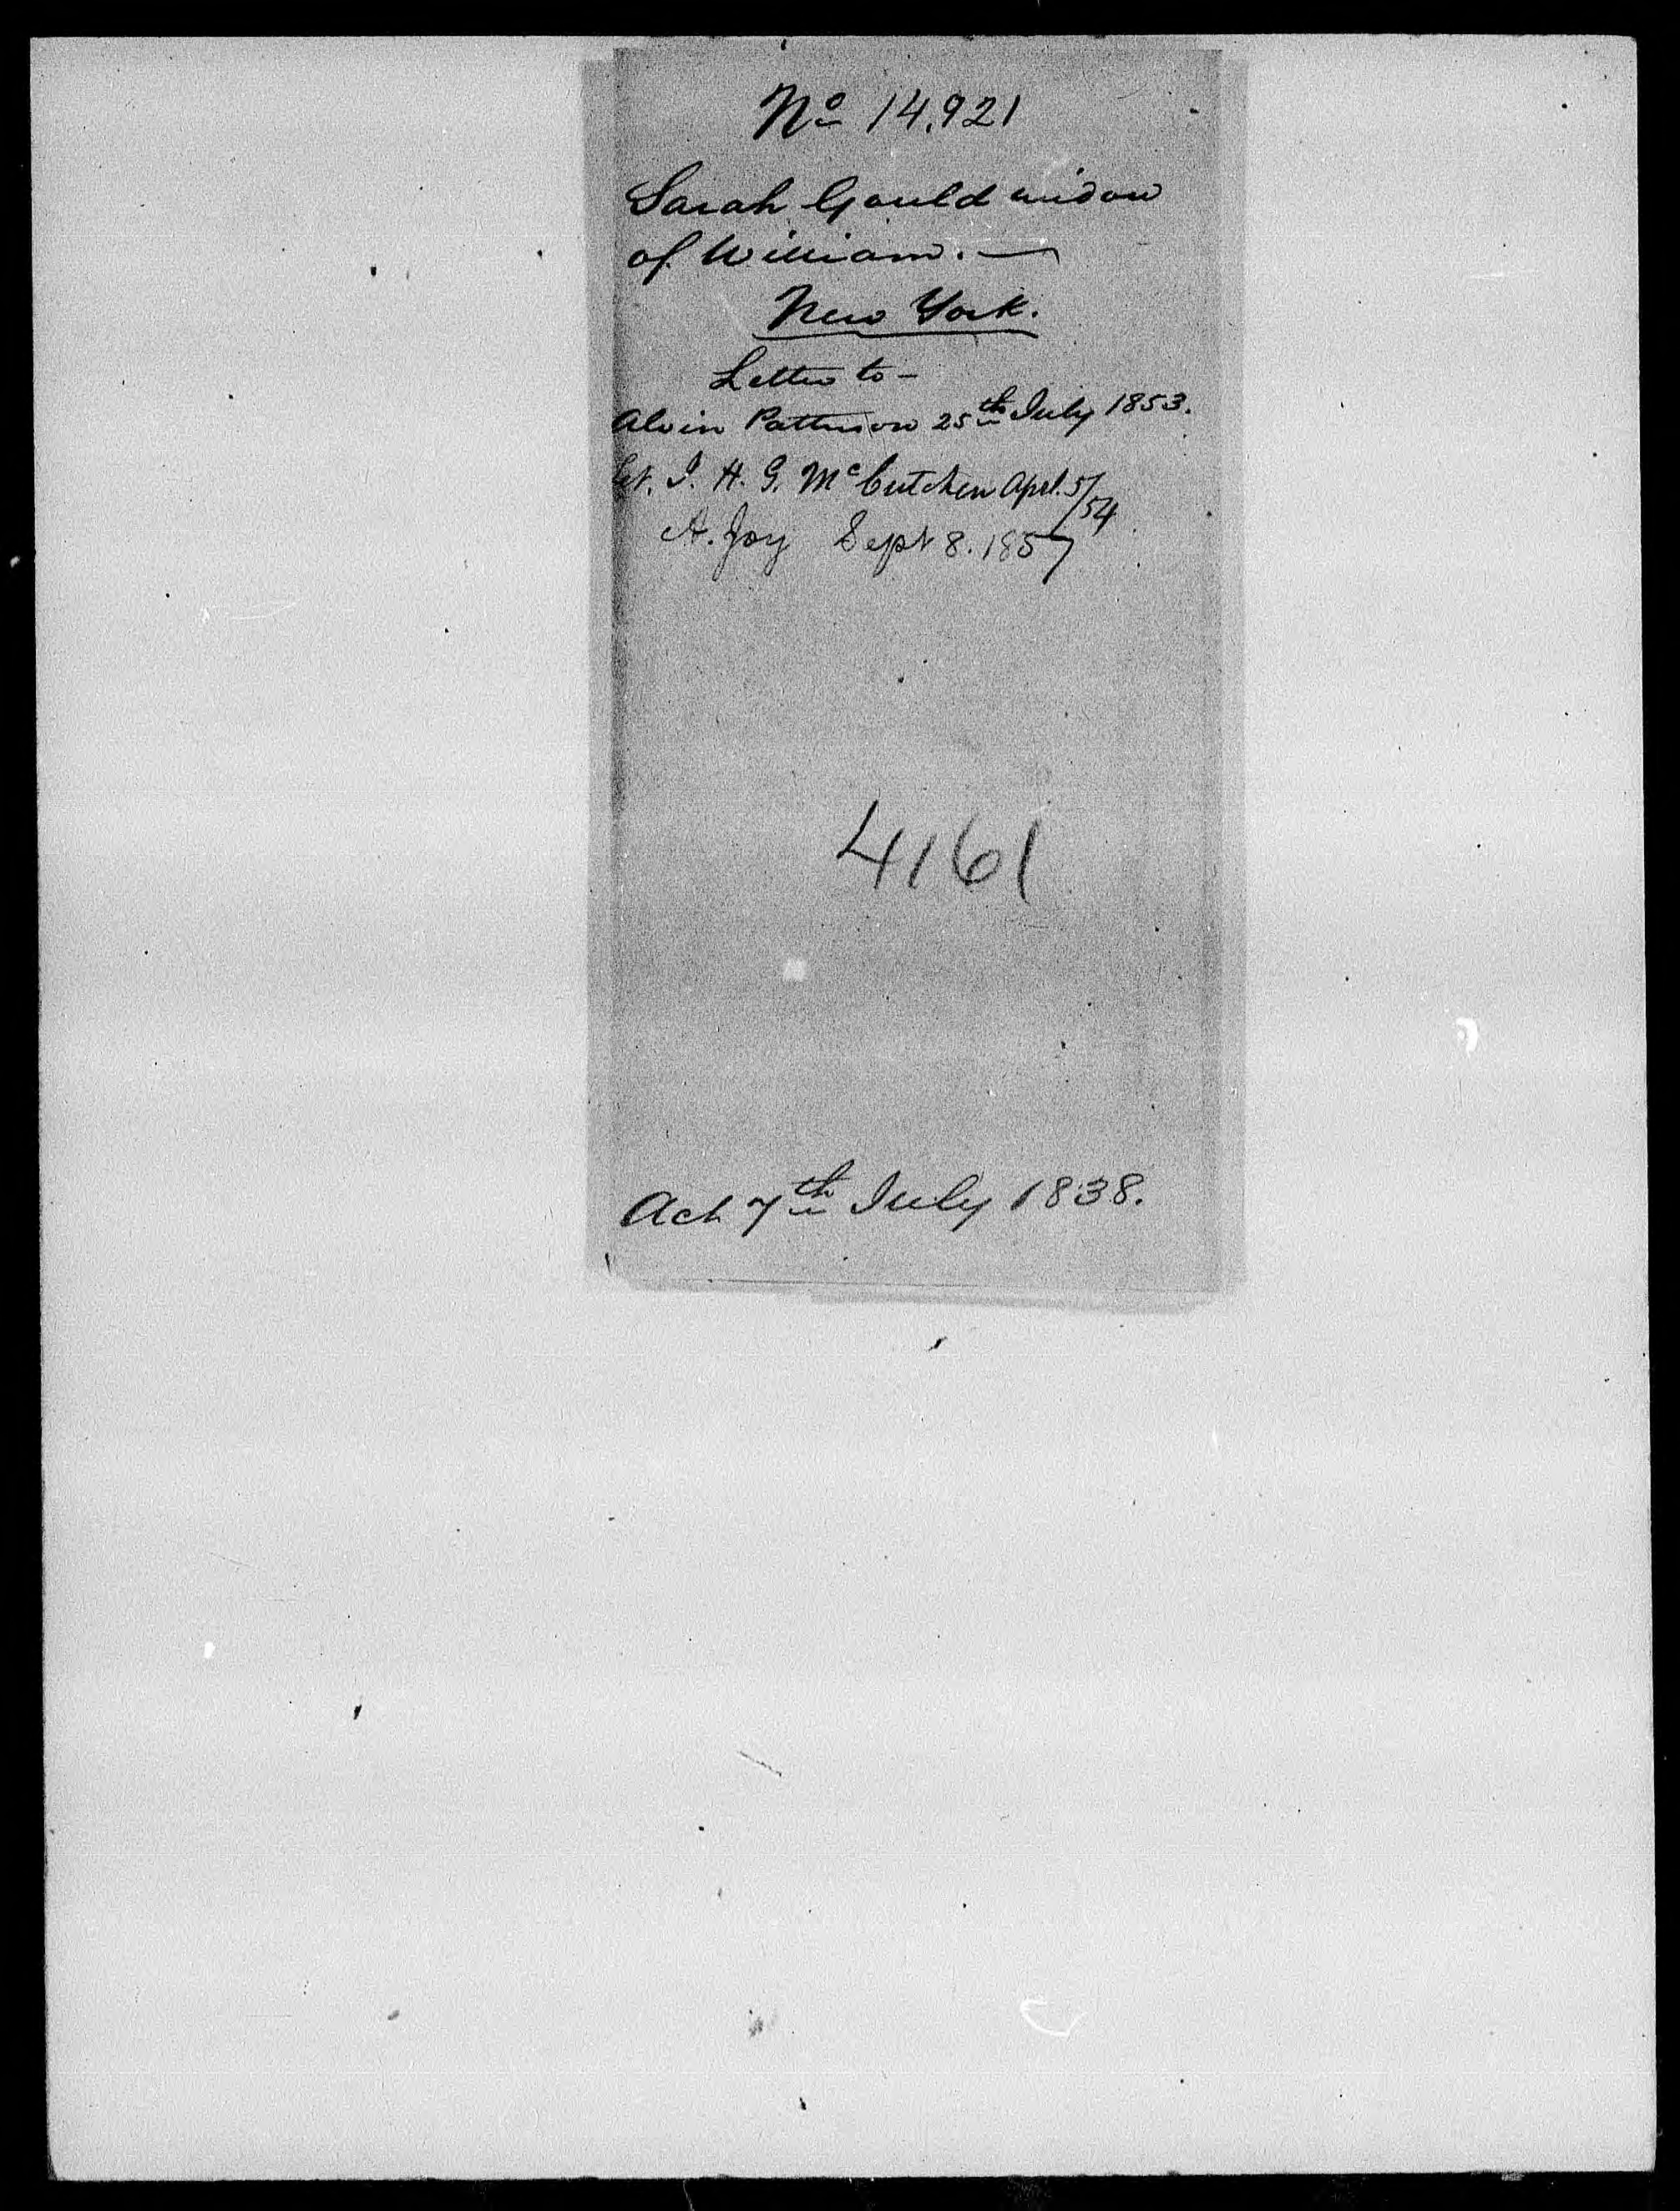No 15, 921

Sarah Gould widow
of William.-

New York

Letters to-

Alvin Patterson 25th July 1853.
[illegible] J. H. G. McCutchen April 5/54
A. Joy Sept 8. 1857

4161

Act 7th July 1838.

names: Sarah Gould, William Gould, J H G Mc Cutchen, Alvin Patterson, A Joy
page: 13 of 20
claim: rejected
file: R. 4,161, William Gould, New York